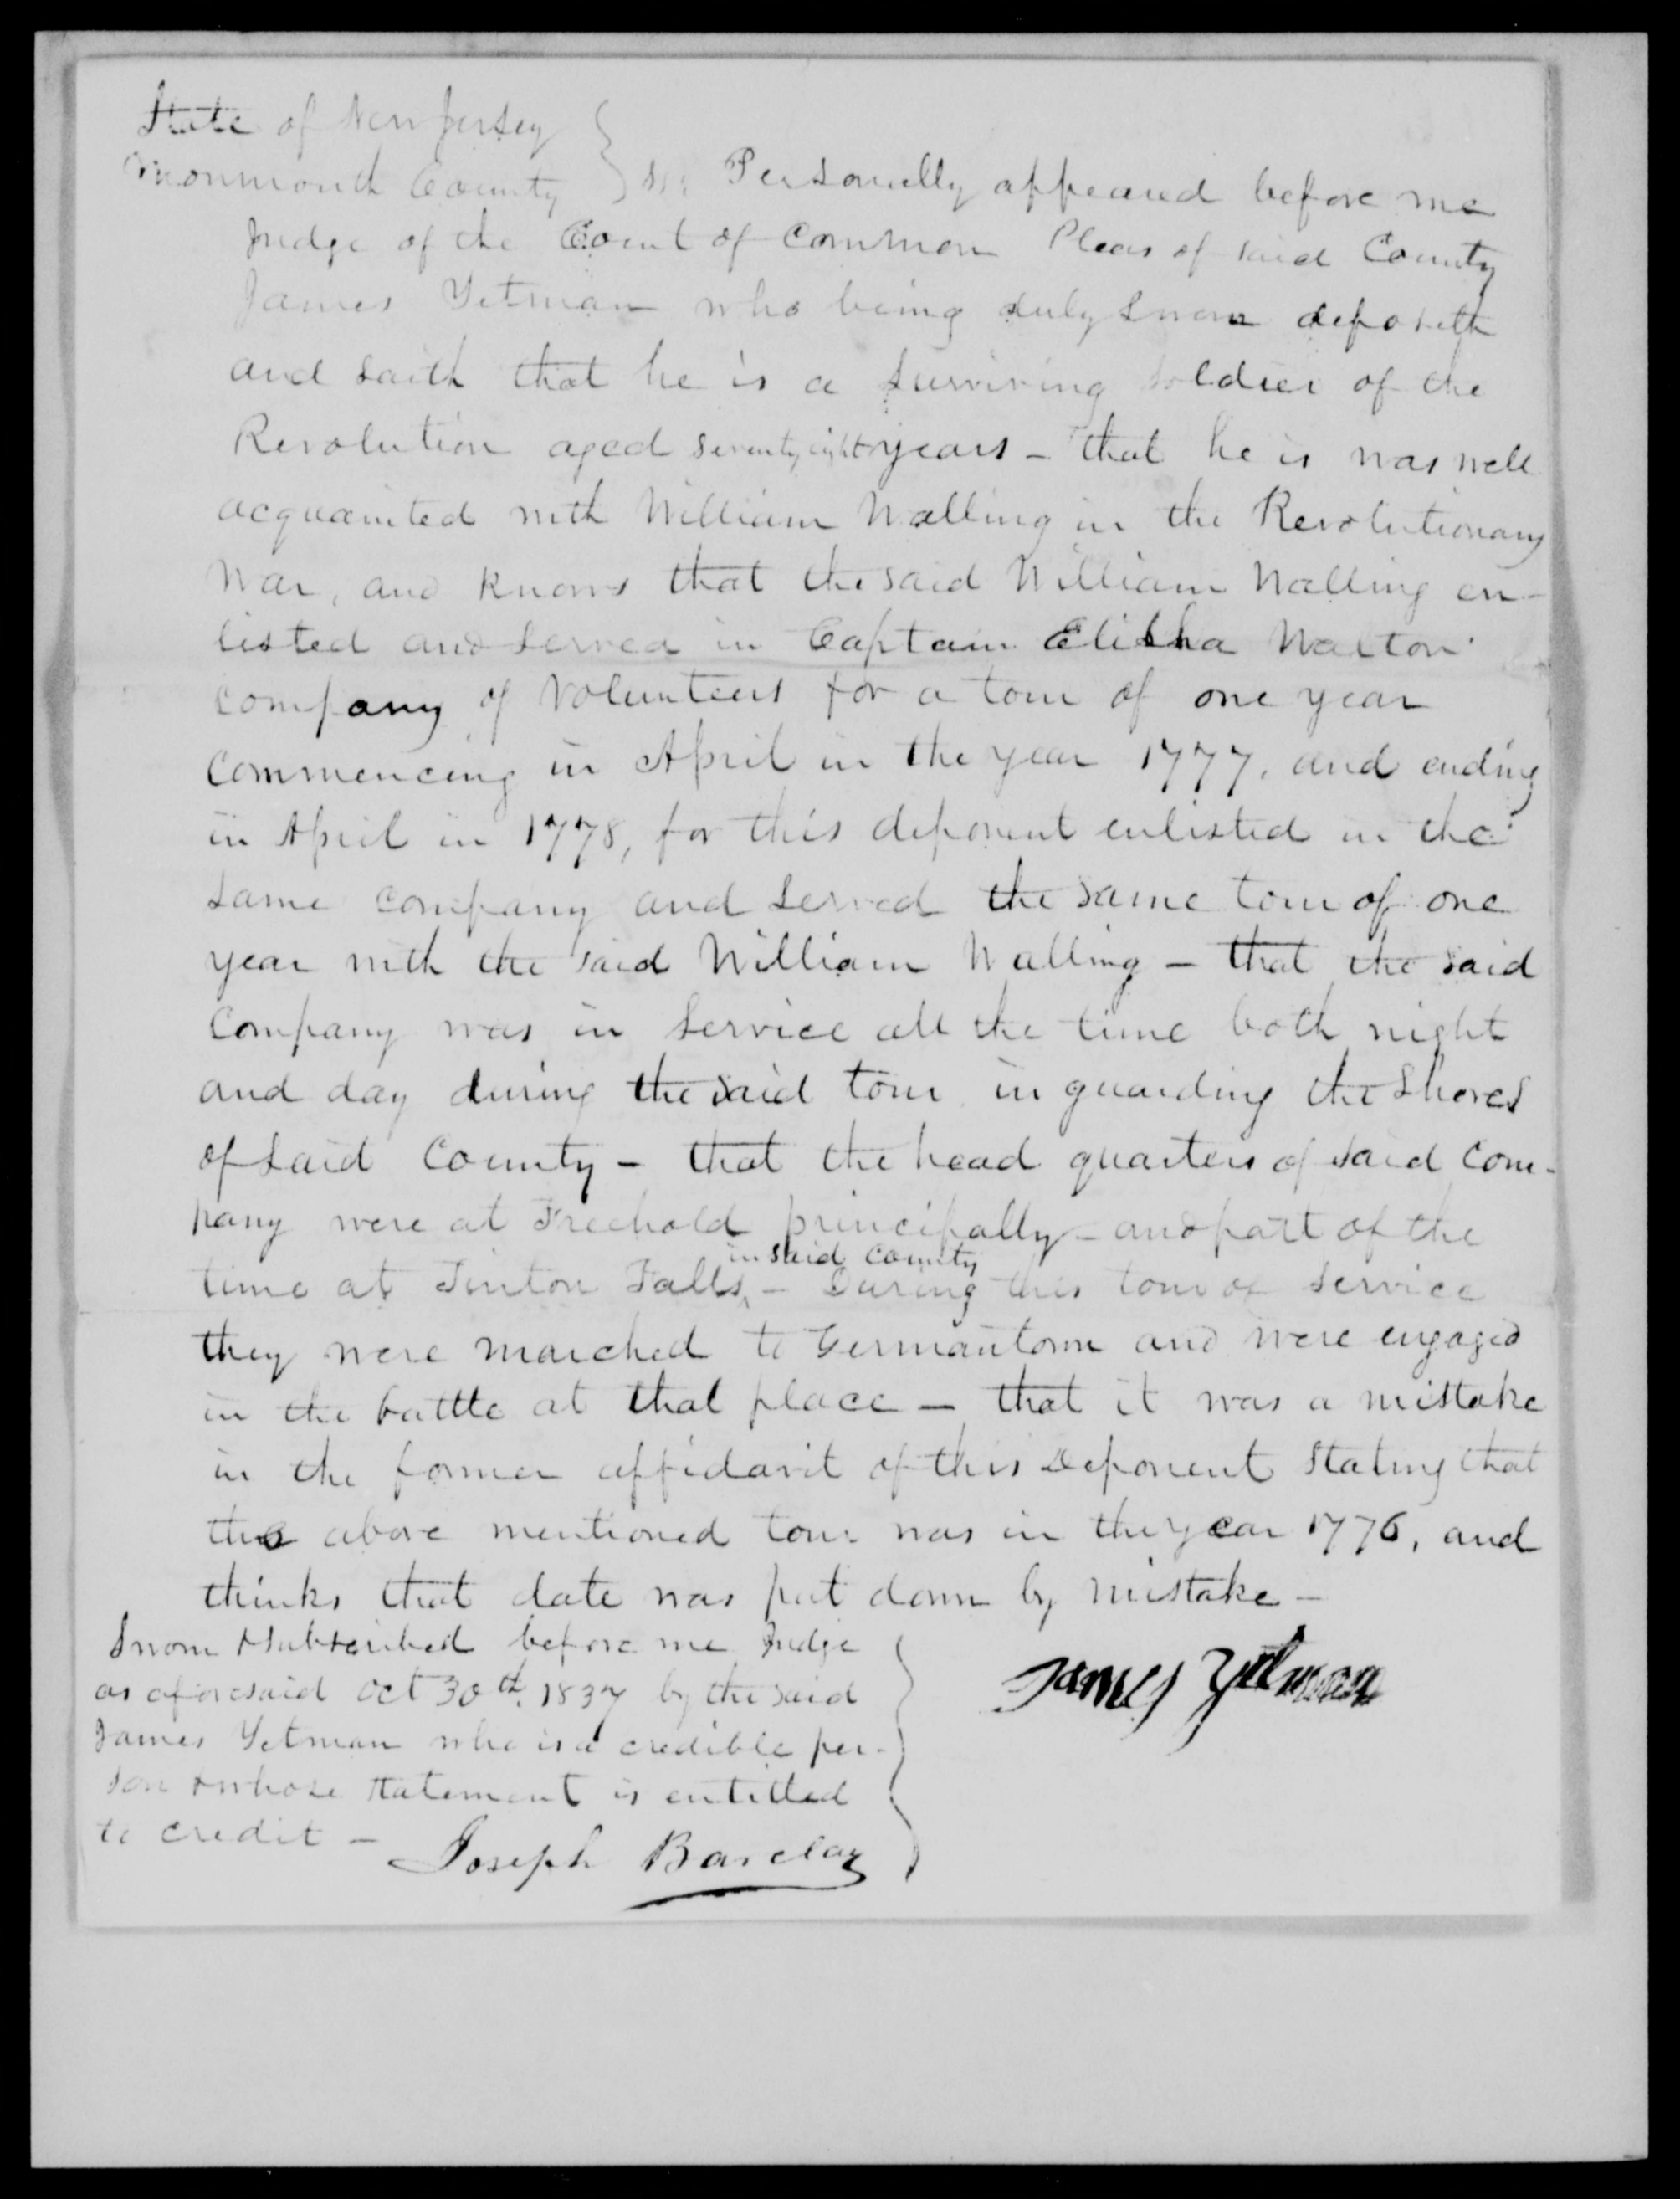State of New Jersey
Monmouth County ss
Personally appeared before me Judge of the Court of Common Pleas of said County James Yetman who being duly sworn deposeth & saith that he is a surviving soldier of the Revolution aged seventy eight years - that he is was well acquainted with William Walling in the Revolutionary War, and knows that the said William Walling enlisted and served in Captain Elisha Walton's company of volunteers for a term of one year commencing in April in the year 1777, and ending in April in 1778, for this deponent enlisted in the same company and served the same term of one year with the said William Walling - that the said company was in service at the time both night and day at Tintin Falls in said county.  During this tour of service they were marched to Germantown and were engaged in the battle at that place - that it was a mistake in the former affidavit of this deponent stating that the above mentioned tour was in the year 1776, and thinks that date was put down by mistake. James Yetman

Sworn & subscribed before me Judge as aforesaid Oct 30th 1837 by the said James Yetman who is a credible person & whose statement is entitled to credit, Joseph Barclay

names: William Walling, William Walling, William Walling, James Yetman, Joseph Barclay, James Yetman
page: 37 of 66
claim: widow's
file: W. 19588, William Walling, New Jersey